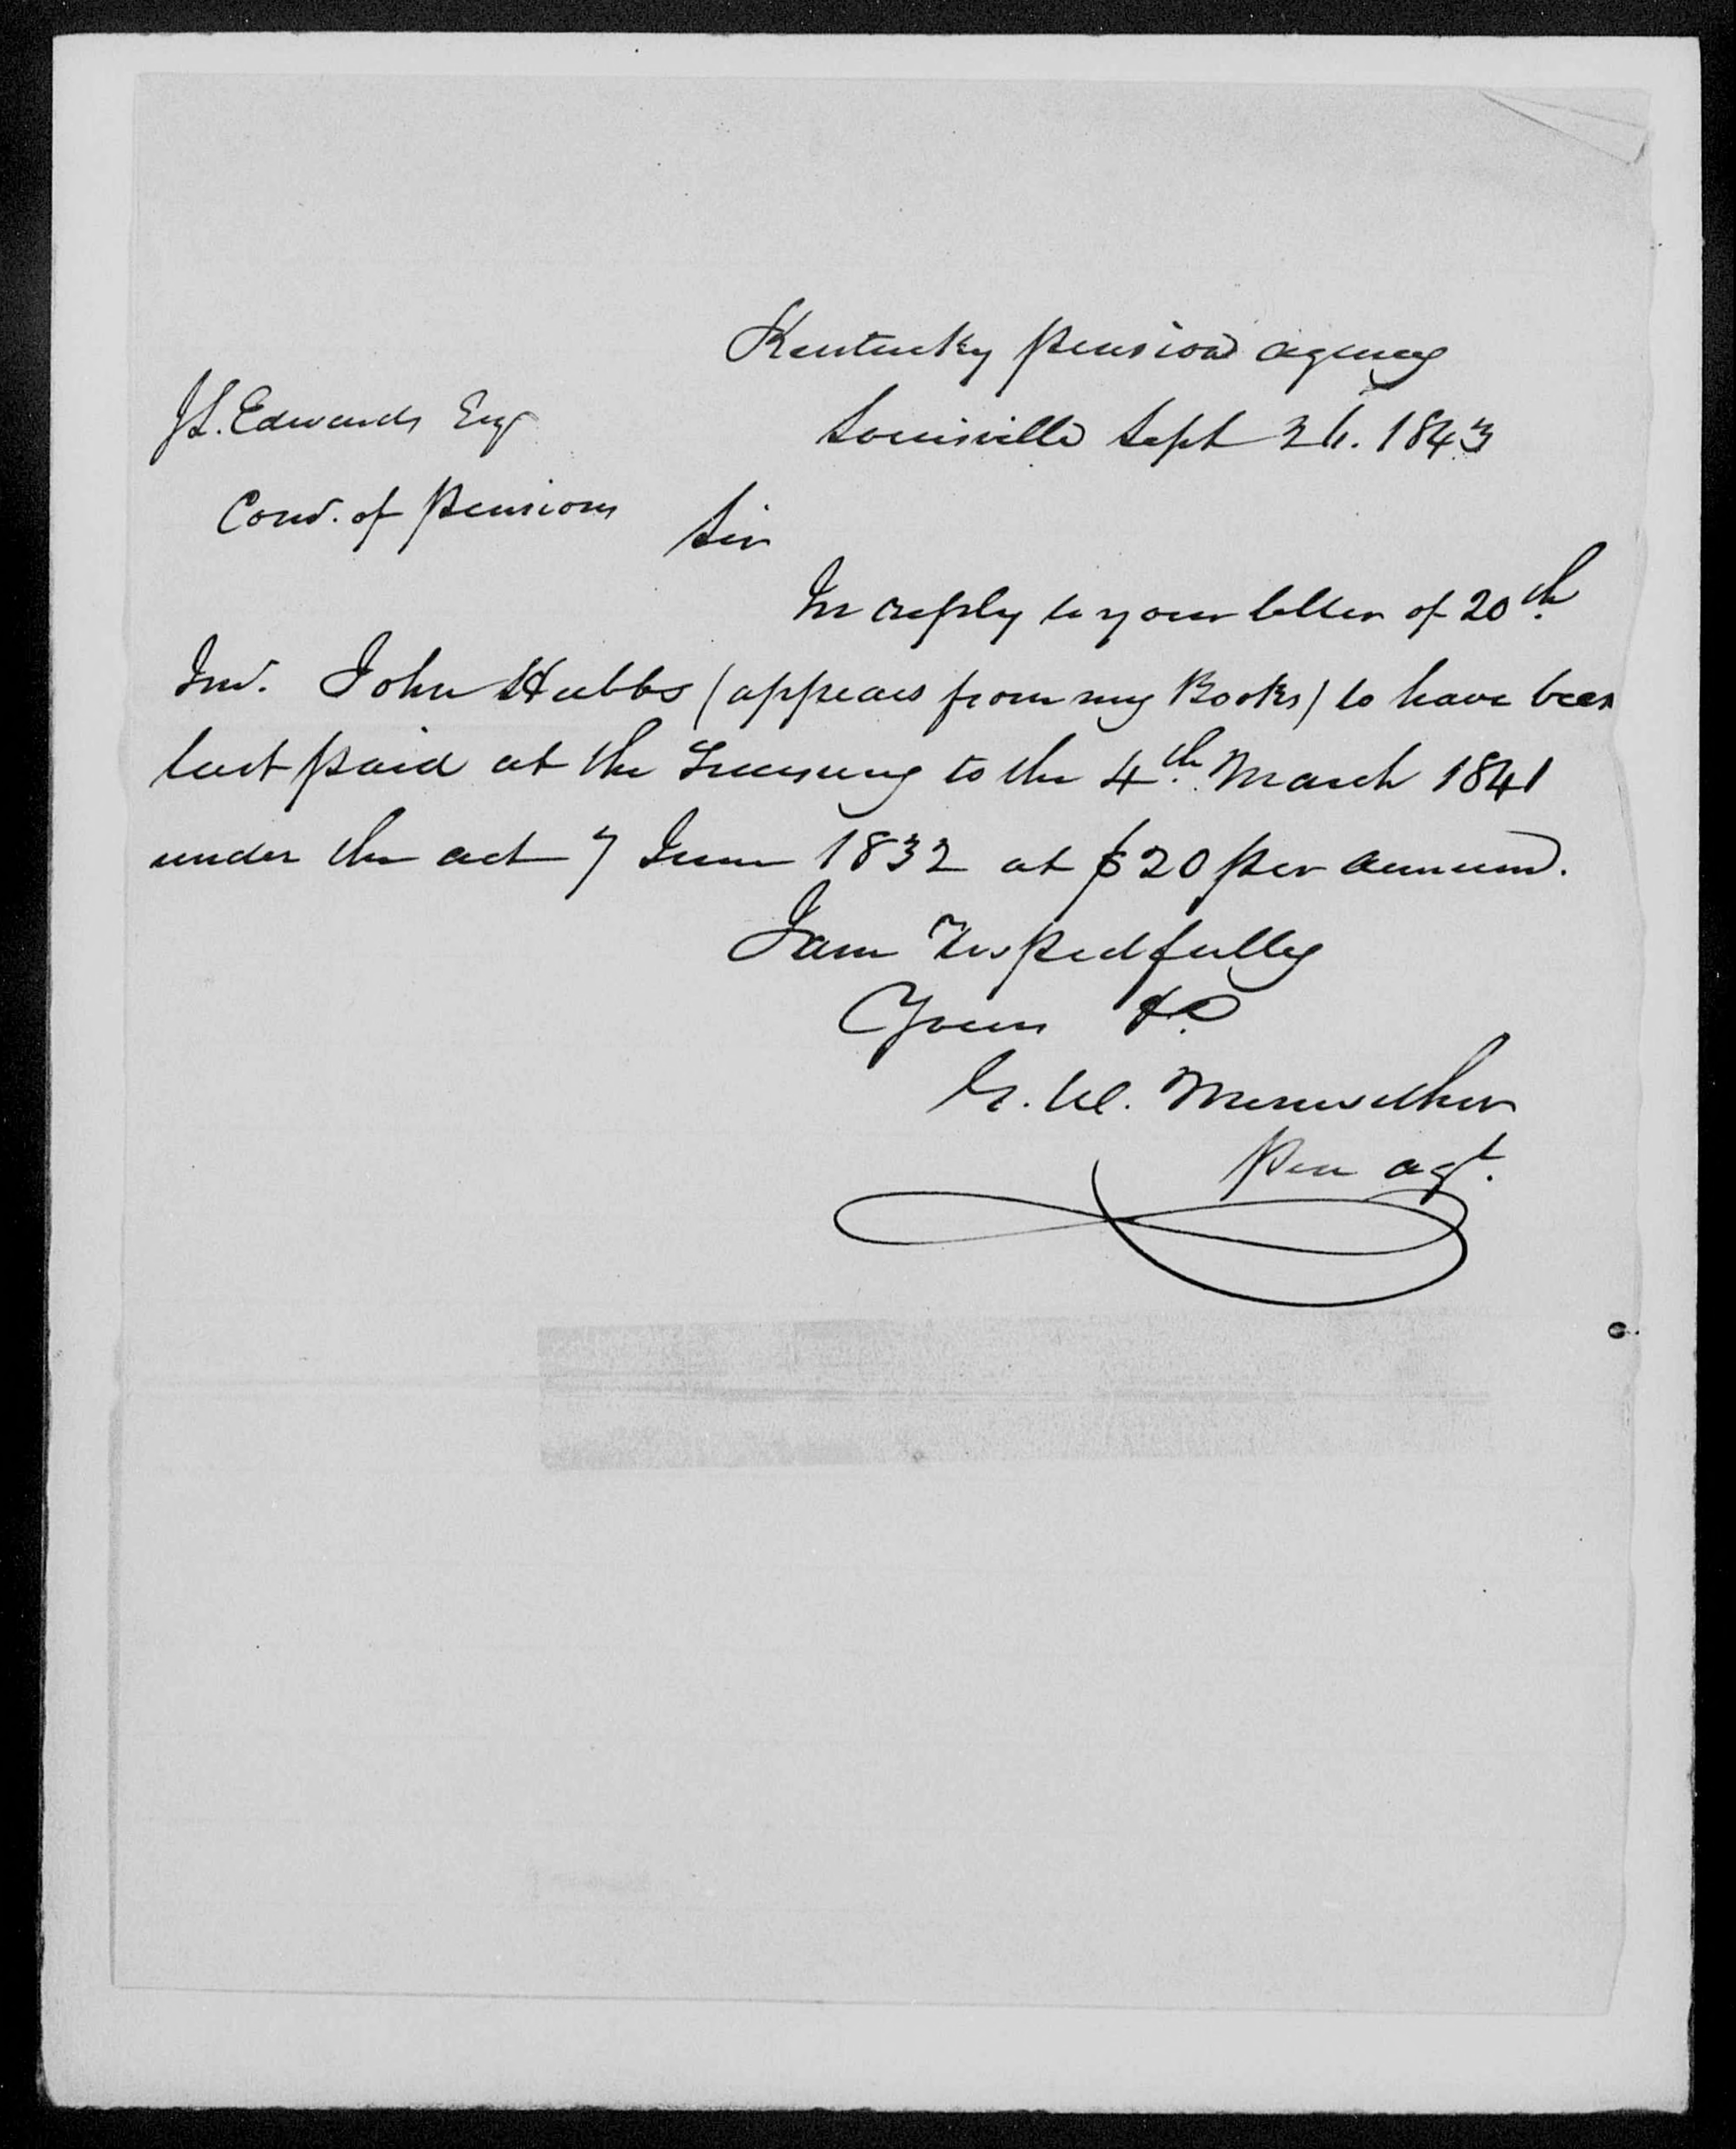Kentucky Pension Agency
Louisville Sept 3d, 1843

J.L. Edwards Esq
Comr. of Pensions

Sir
In reply to your letter of 20th Ins. John Hubbs (appears from my Books, to have been last paid at the Treasury to the 4th March 1841 under the act 7 June 1832 at $20 per annum
I am respectfully
Yours JP
G. W. Meriwether
Pen agt.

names: J L Edwards, G W Meriwether, John Hubbs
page: 48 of 86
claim: widow's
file: W. 1035, John Hubbs, S.C.